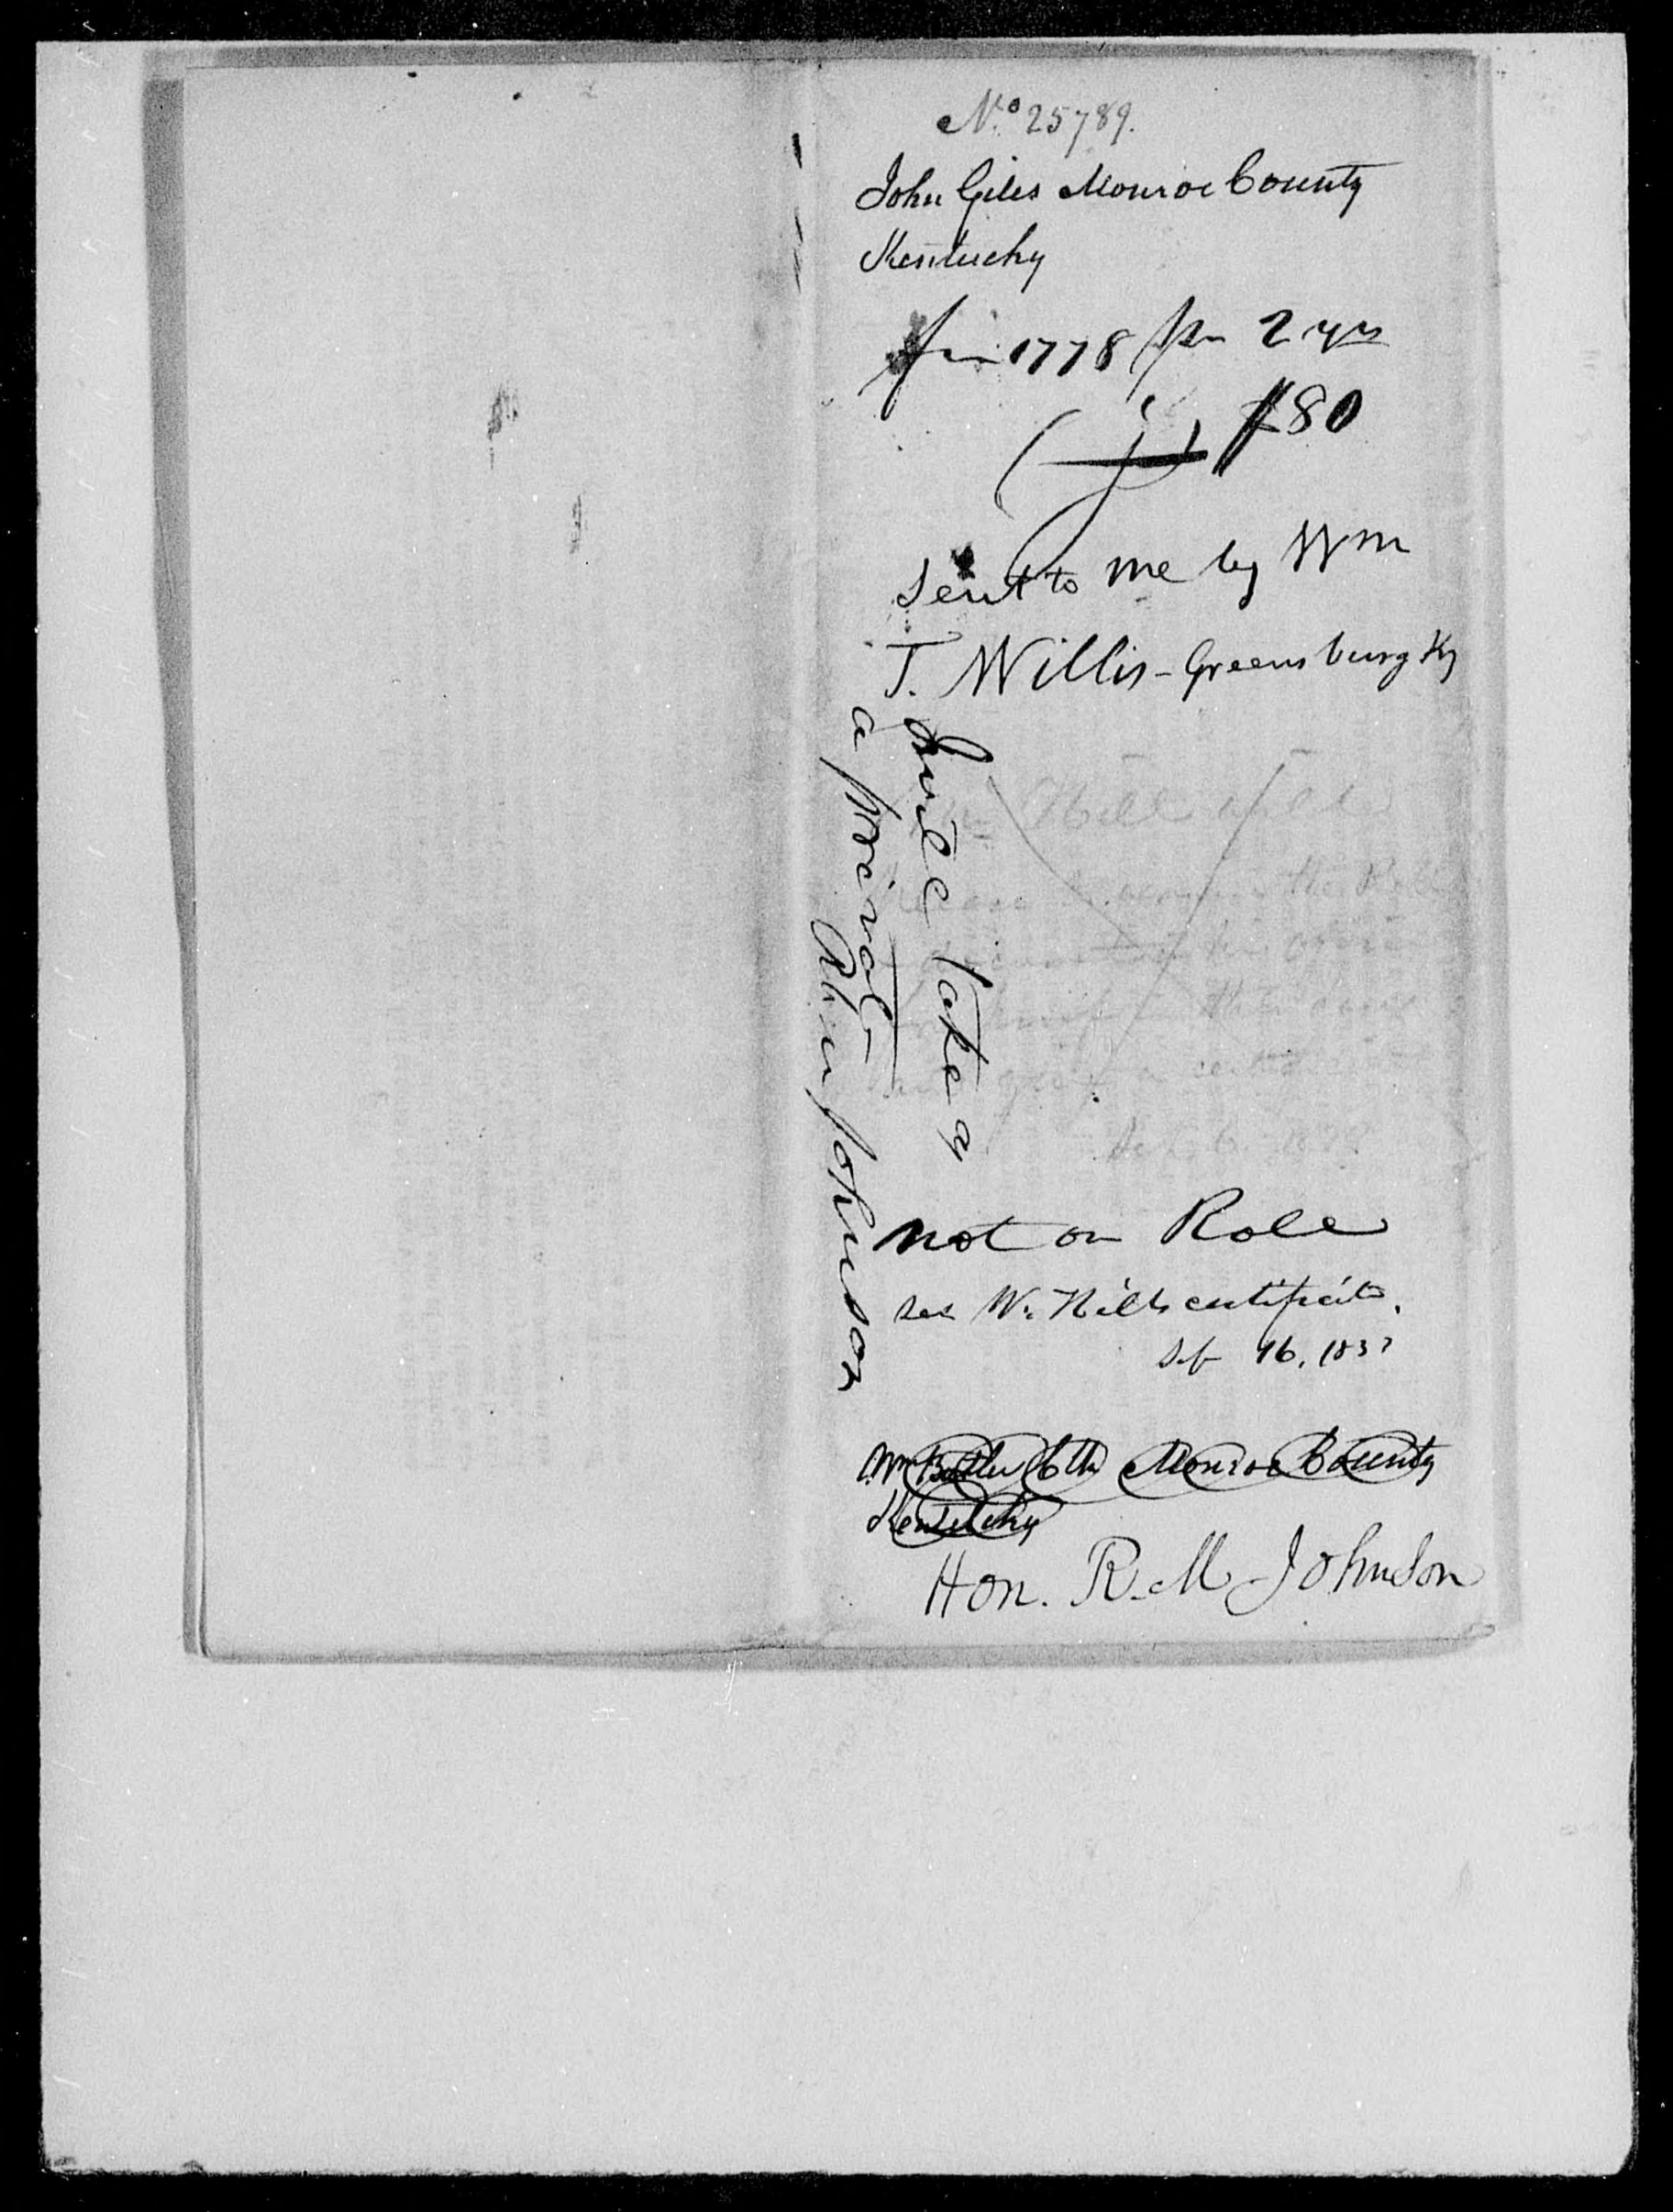No 25789
John Giles Monroe County
Kentucky
from 1778 Apr 2 yrs
[illegible] $80
Sent to me by Wm
T. Willis - Greensburg Ky

[written along left side of page] 
I will take as a private
Rheu Johnson
[end side writing]

not on roll
see W. Willis certificate
Sept 16, 1837

Hon. R.M. Johnson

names: W Kilts, Rheu Johnson, R M Johnson, Wm T Willis, John Giles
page: 12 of 82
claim: widow's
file: W. 7,522, John Giles, N.C.